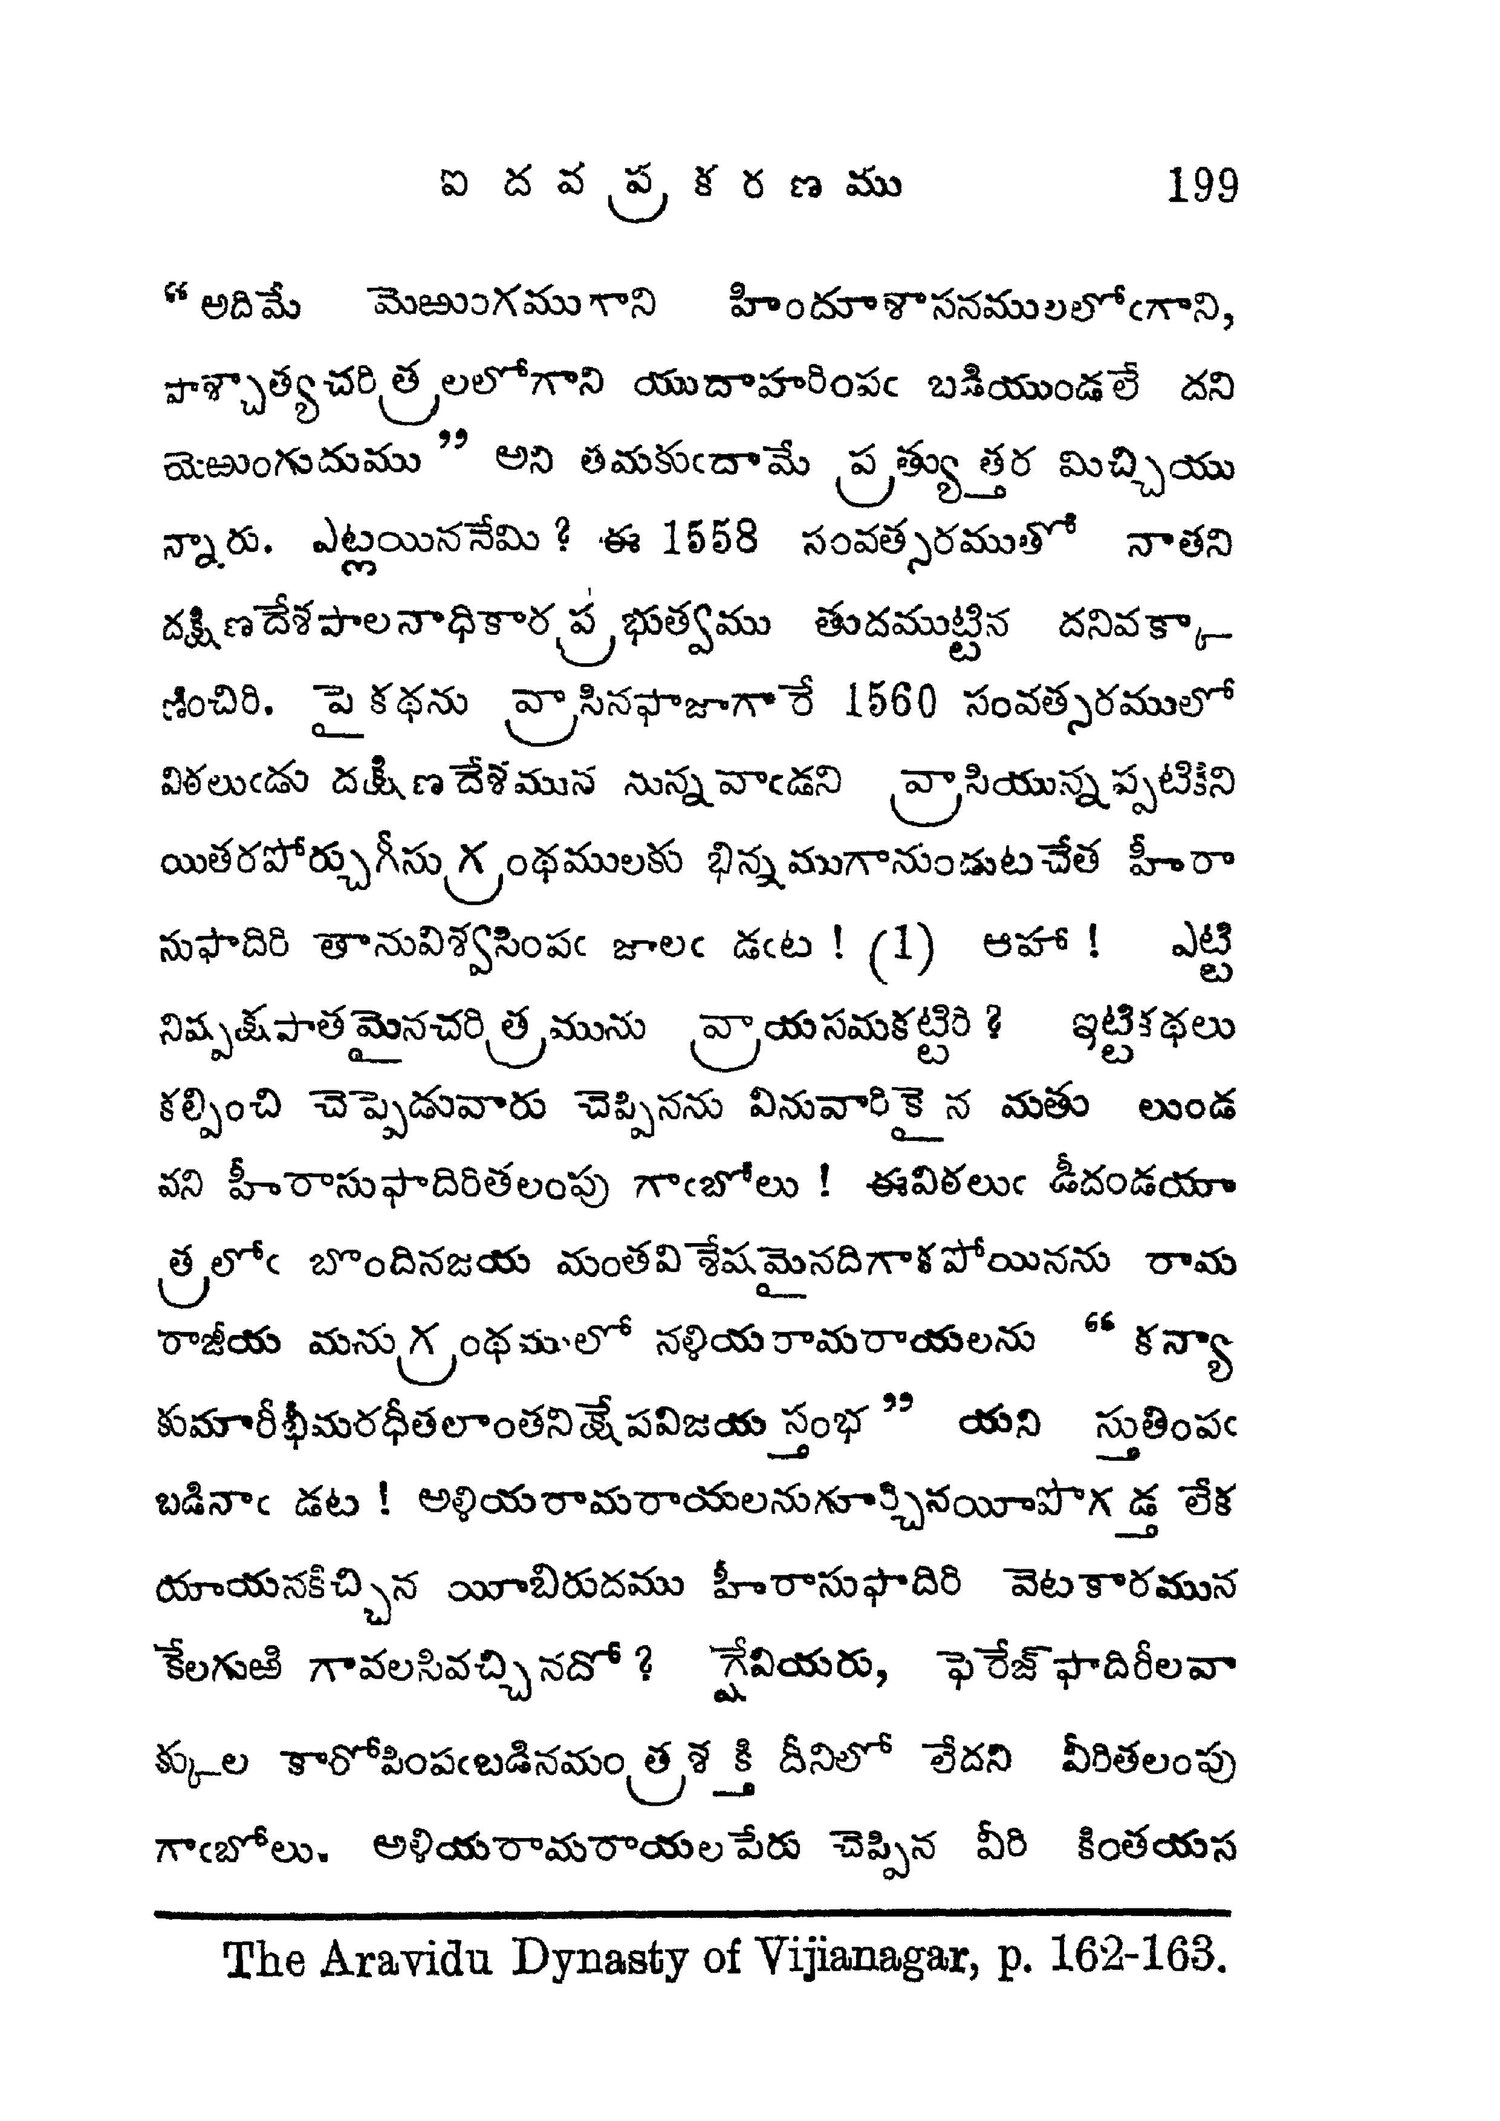"అదిమే మెఱుంగముగాని హిందూశాసనములలోగాని, పాశ్చాత్యచరిత్రలలోగాని యుదాహరింప బడియుండలే దని యెఱుంగుదుము" అని తమకుదామే ప్రత్యుత్తర మిచ్చియున్నారు. ఎట్లయినేమి ? ఈ 1558 సంవత్సరముతో నాతని దక్షిణదేశపాలనాధికారప్రభుత్వము తుదముట్టిన దనివక్కాణించిరి. పైకథను వ్రాసినఫాజాగారే 1560 సంవత్సరములో విఠలుడు దక్షిణదేశమున నున్నవాడని వ్రాసియున్నప్పటికిని యితరపోర్చుగీసు గ్రంథములకు భిన్నముగానుండుటచేత హీరాసుఫాదిరి తానువిశ్వసింప జాల డట ! ఆహా! ఎట్టి నిష్పక్షపాతమైనచరిత్రమును వ్రాయసమకట్టిరి? ఇట్టికథలు కల్పించి చెప్పెడువారు చెప్పినను వినువారికైన మతు లుండవని హీరాసుఫాదిరితలంపు గాబోలు ! ఈవిఠలు డీదండయాత్రలో బొందినవిజయ మంతవిశేషమైనదిగాకపోయినను రామరాజీయ మనుగ్రంథములో నళియరామరాయలను "కన్యాకుమారీభీమరధీతలాంతనిక్షేపవిజయస్తంభ" యని స్తుతింపబడినా డట ! అళియరామరాయలనుగూర్చిన యీపొగడ్త లేక యాయనకిచ్చిన యీబిరుదము హీరాసుఫాదిరి వెటకారమున కేలగుఱి గావలసివచ్చినదో? గ్షేవియరు, ఫెరేజ్‌ఫాదిరీలవాక్కుల కారోపింపబడినమంత్రశక్తి దీనిలో లేదని వీరితలంపు గాబోలు. అళియరామరాయలపేరు చెప్పిన వీరి కింతయస